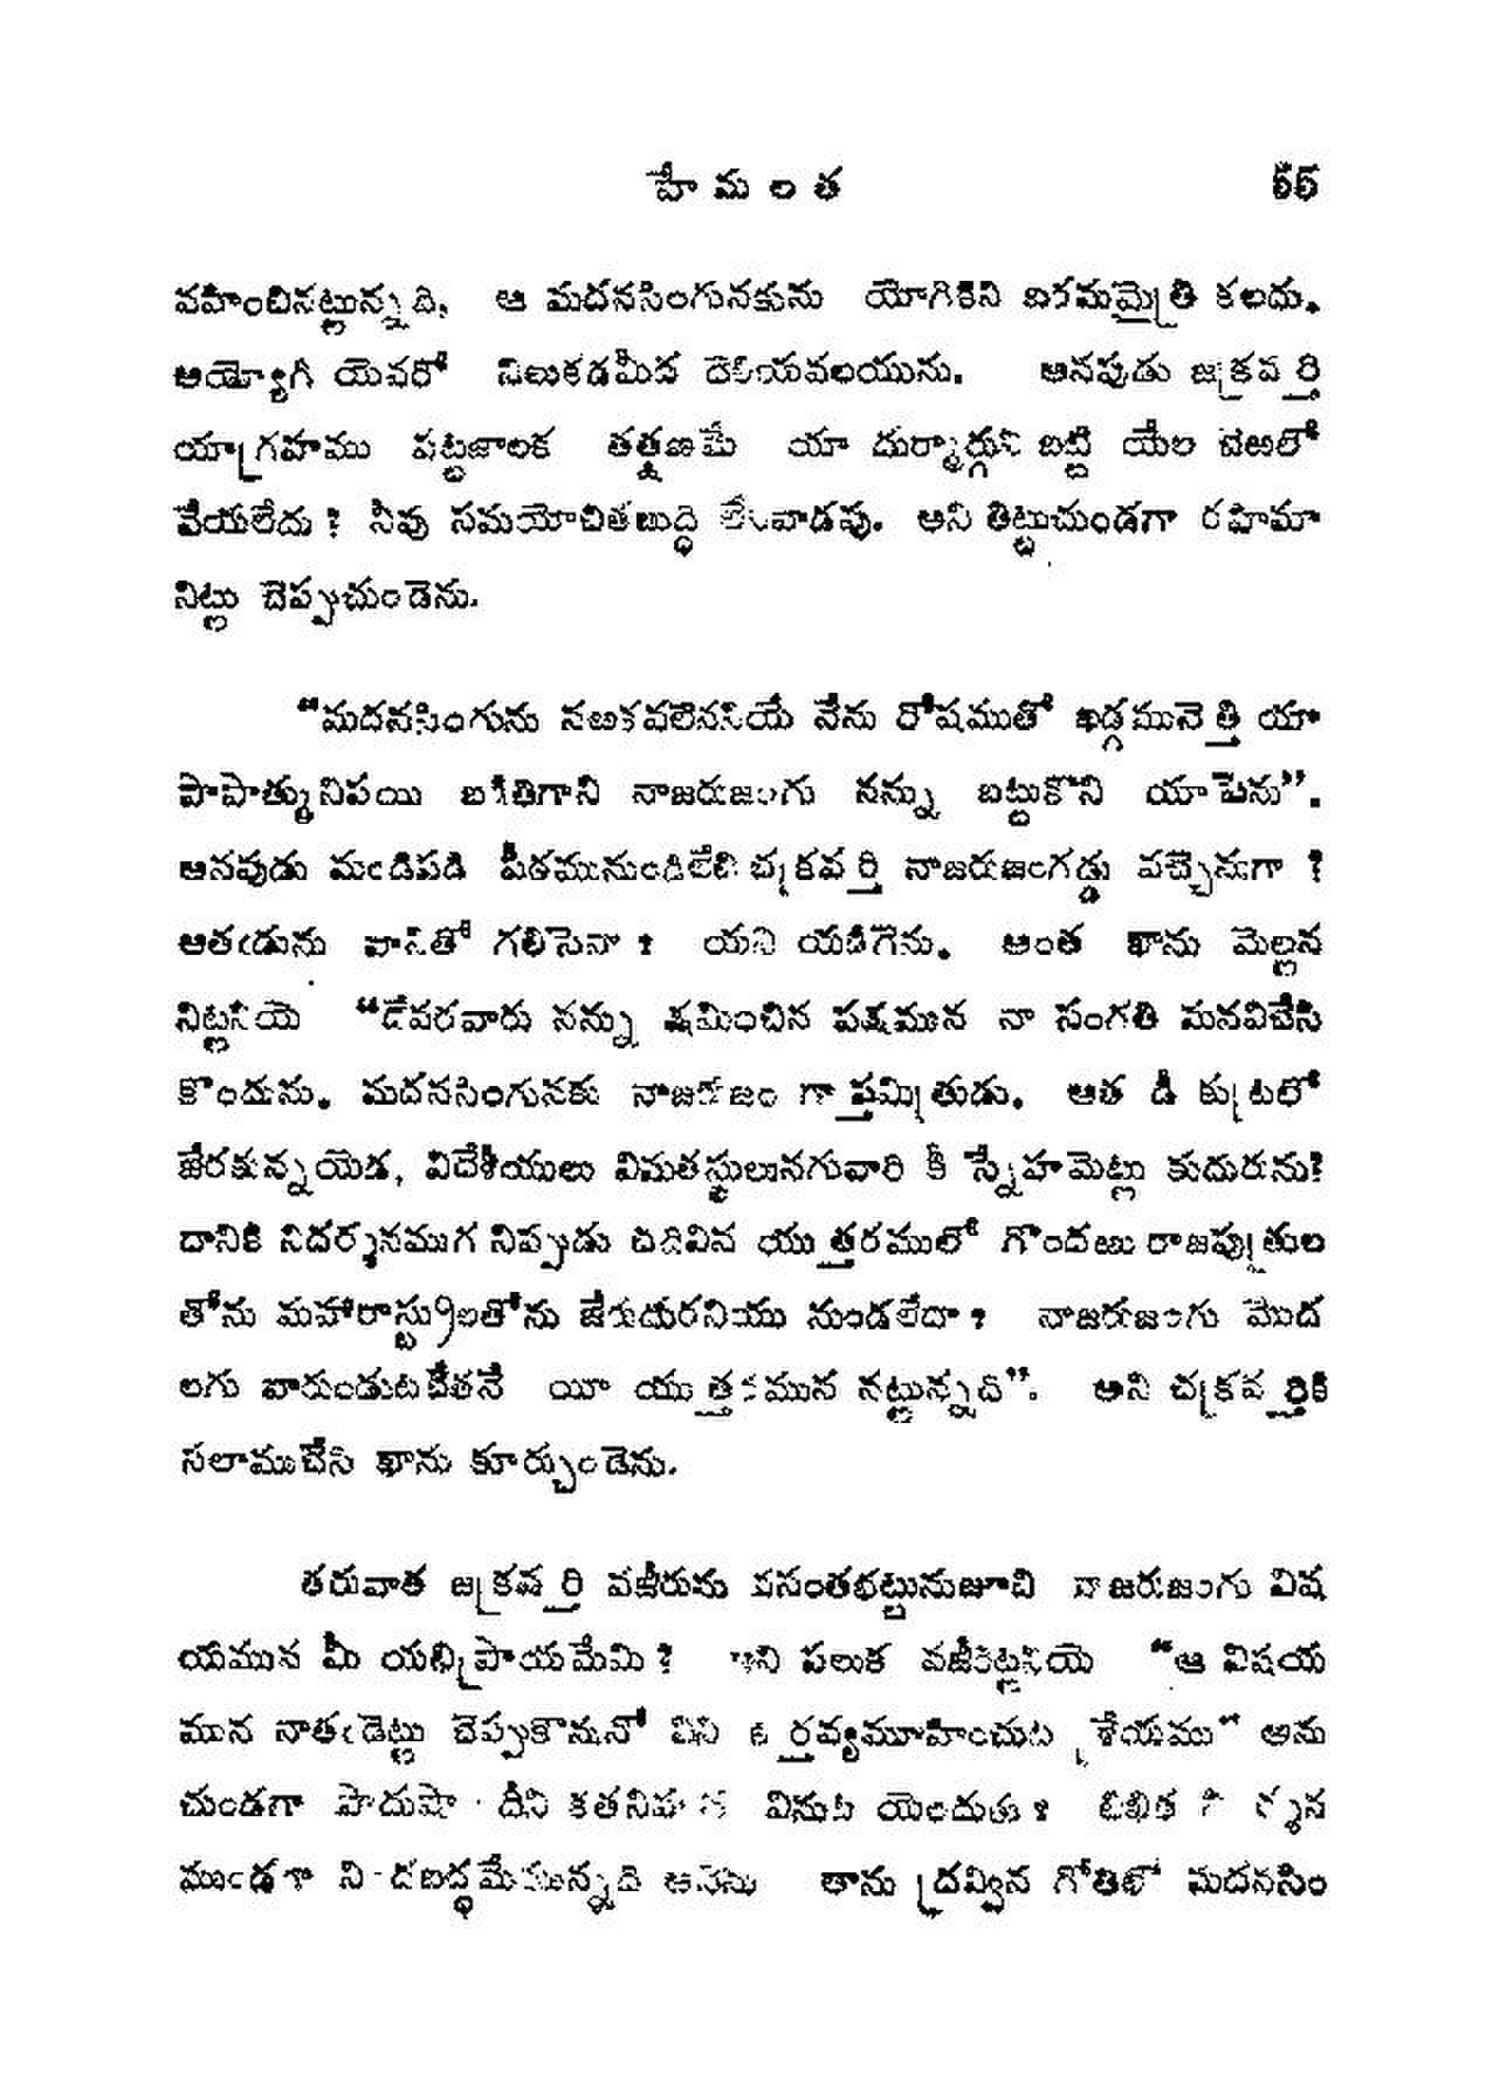వహించినట్లున్నది. ఆ మదనసింగునకును యోగికిని బరమమైత్రి కలదు. అయ్యోగి యెవరో నిలుకడమీద దెలియవలయును. అనవుడు జక్రవర్తి యాగ్రహము పట్టజాలక తత్క్షణమే యా దుర్మార్గుని బట్టి యేల చెఱలో వేయలేదు? నీవు సమయోచితబుద్ధి లేనివాడవు. అని తిట్టుచుండగా రహిమానిట్లు చెప్పుచుండెను.

“మదనసింగును నఱకవలెననియే నేను దోషముతో ఖడ్గమునెత్తి యాపాపాత్మునిపయి బడితిని గాని నాజరుజంగు నన్ను బట్టుకొని యాపెను.” అనవుడు మండిపడి పీఠమునుండిలేచి చక్రవర్తి నాజరుజంగడ్డు వచ్చెనుగా? అతఁడును వానితో గలిసెనా? యని యడిగెను. అంత ఖాను మెల్లన నిట్లనియె “దేవరవారు నన్ను క్షమించిన పక్షమున నా సంగతి మనవిచేసుకొందును. మదనసింగునకు నాజరుజం గాప్తమిత్రుడు. అత డీ కుట్రలో జేరకున్నయెడ, విదేశీయులు విమతస్థులగువారి కీ స్నేహమెట్లు కుదురును? దానికి నిదర్శనముగనిప్పుడు చదివిన యుత్తరములో గొందఱురాజపుత్రులతోను మహారాష్ట్రులతోను జేరుదురనియు నుండలేదా? నాజరుజంగు మొదలగు వారుండుటచేతనే యీ యుత్తరమున నట్లున్నది.” అని చక్రవర్తికి సలాముచేసి ఖాను కూర్చుండెను.

తరువాత జక్రవర్తి వజీరును వసంతభట్టునుజూచి నాజరుజంగు విషయమున మీ యభిప్రాయమేమి? అని పలుక వజీరిట్లనియె “ఆ విషయమున నాతఁడెట్లు చెప్పుకొనునో విని కర్తవ్యమూహించుట శ్రేయము” అనుచుండగా పాదుషా దీని కతనిమాట వినుట యెందుకు? లిఖిత నిదర్శనముండగా నిందబద్ధమేమున్నది అనెను. తాను ద్రవ్విన గోతిలో మదనసిం